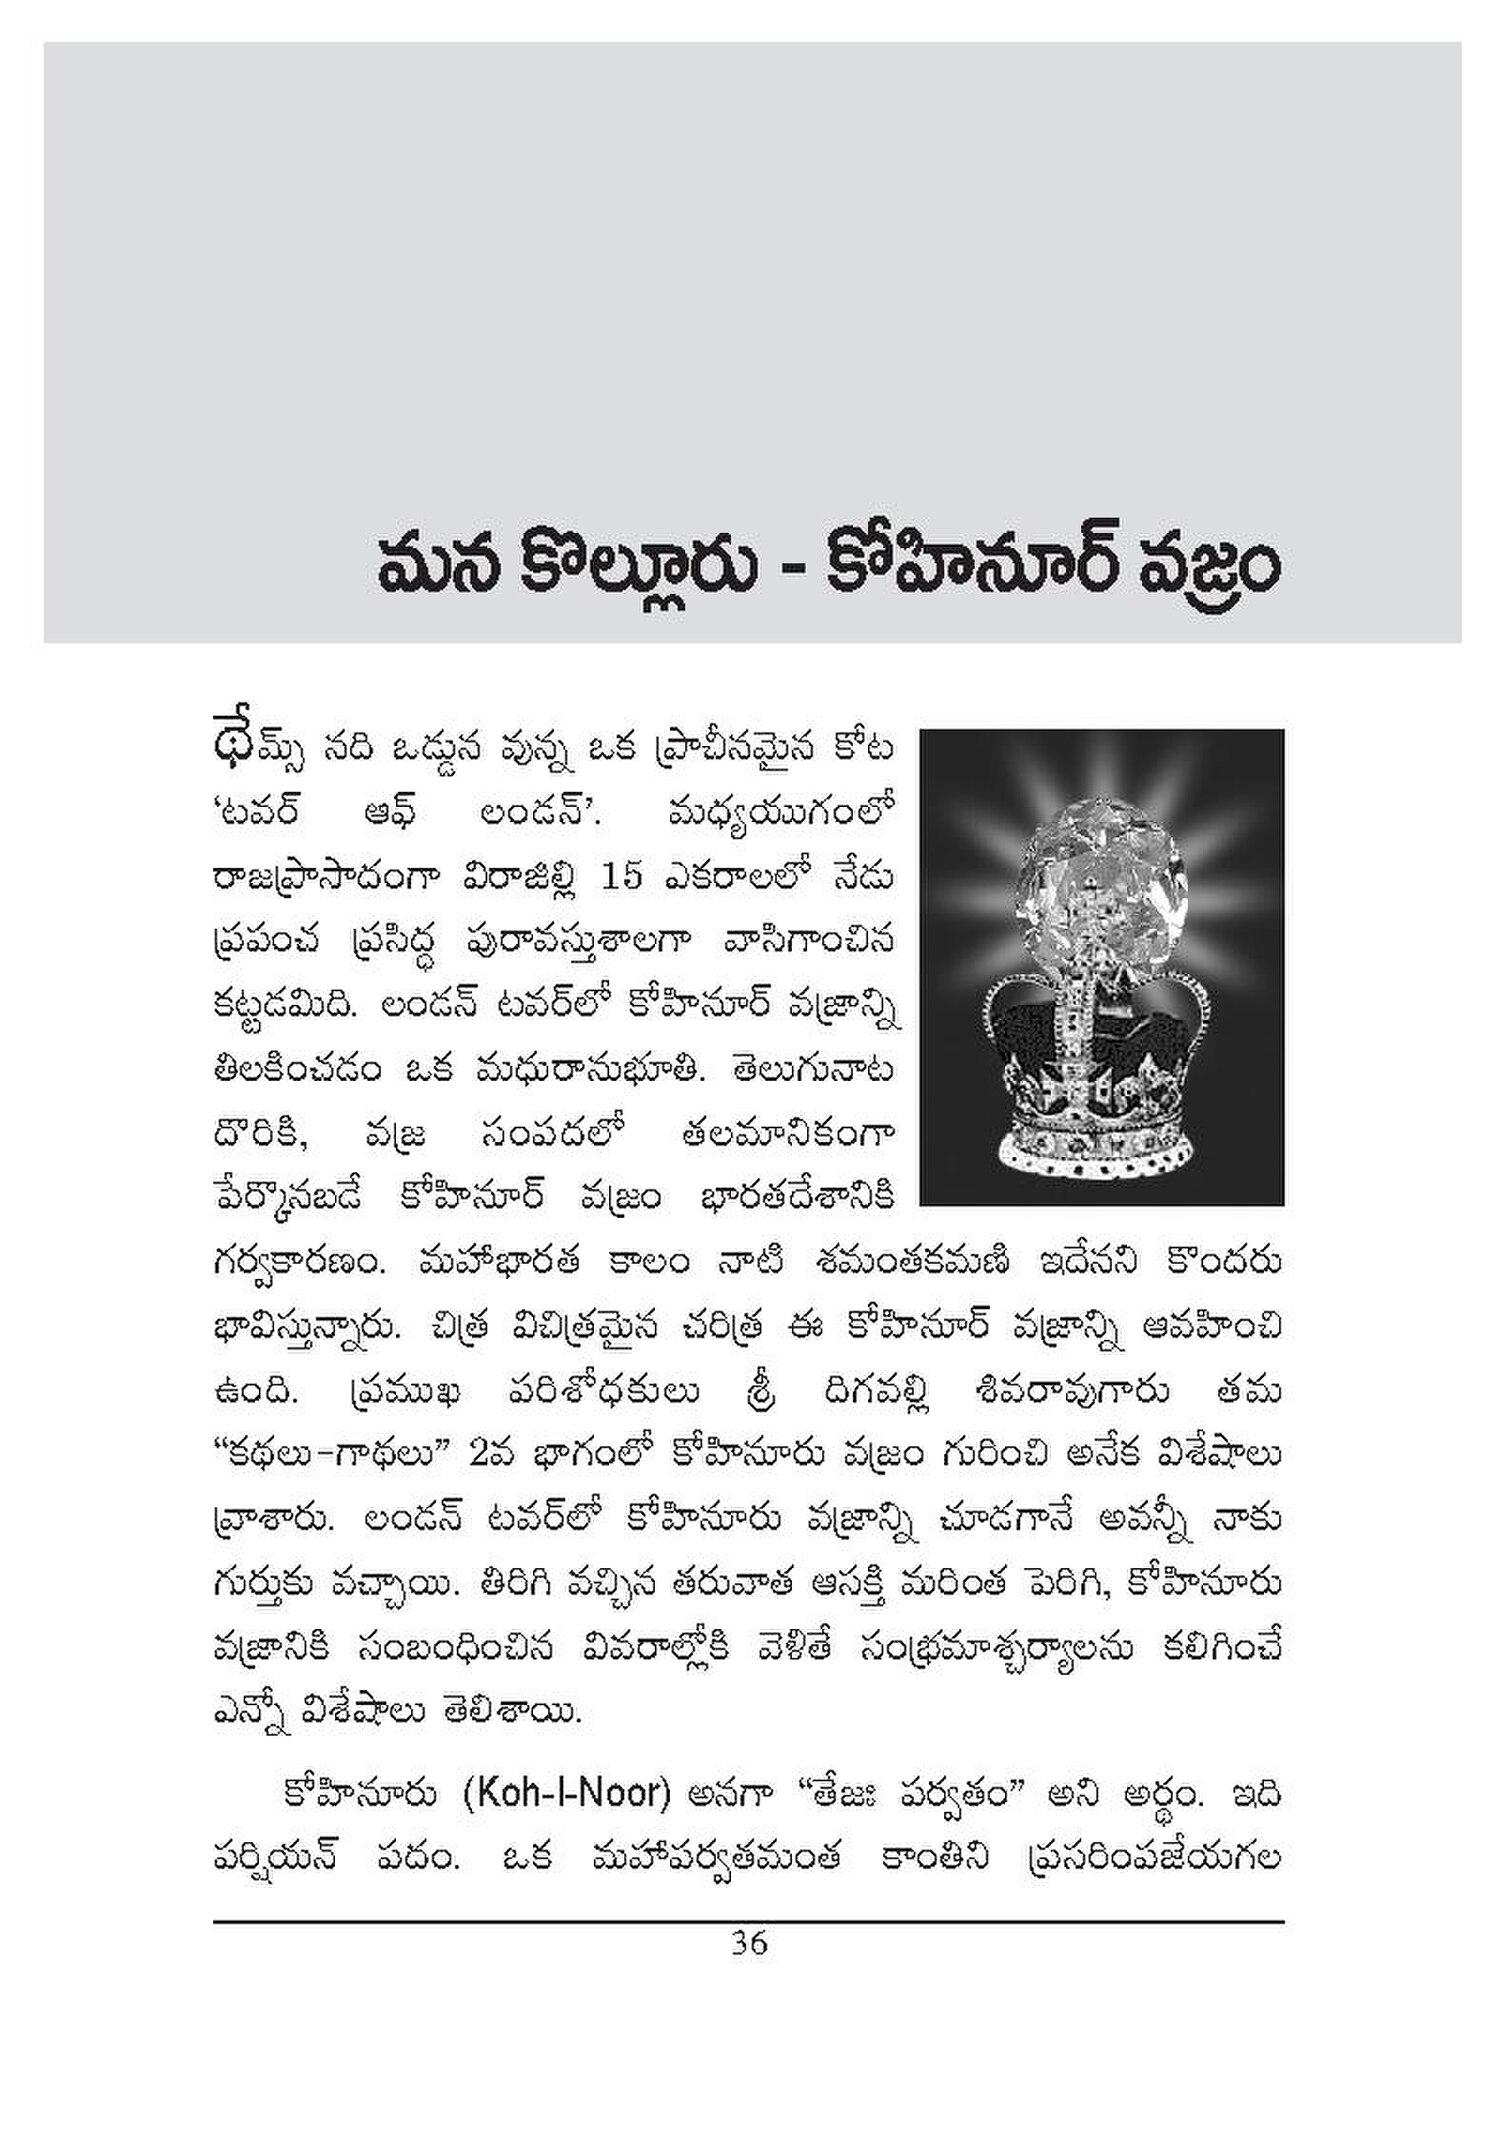మన కొల్లూరు - కోహినూర్ వజ్రం

థేమ్స్ నది ఒడ్డున వున్న ఒక ప్రాచీనమైన కోట "టవర్ ఆఫ్ లండన్", మధ్యయుగంలో రాజప్రాసాదంగా విరాజిల్లి 15 ఎకరాలలో నేడు ప్రపంచ ప్రసిద్ధ పురావస్తుశాలగా వాసిగాంచిన కట్టడమిది. లండన్ టవర్లో కోహినూర్ వజ్రాన్ని తిలకించడం ఒక మధురానుభూతి. తెలుగునాట దొరికి, వజ్ర సంపదలో తలమానికంగా పేర్కొనబడే కోహినూర్ వజ్రం భారతదేశానికి గర్వకారణం. మహాభారత కాలం నాటి శమంతకమణి ఇదేనని కొందరు భావిస్తున్నారు. చిత్ర విచిత్రమైన చరిత్ర ఈ కోహినూర్ వజ్రాన్ని ఆవహించి ఉంది. ప్రముఖ పరిశోధకులు శ్రీ దిగవల్లి శివరావుగారు తమ "కథలు-గాథలు" 2వ భాగంలో కోహినూరు వజ్రం గురించి అనేక విశేషాలు వ్రాశారు. లండన్ టవర్లో కోహినూరు వజ్రాన్ని చూడగానే అవన్నీ నాకు గుర్తుకు వచ్చాయి. తిరిగి వచ్చిన తరువాత ఆసక్తి మరింత పెరిగి, కోహినూరు వజ్రానికి సంబంధించిన వివరాల్లోకి వెళితే సంభ్రమాశ్చర్యాలను కలిగించే ఎన్నో విశేషాలు తెలిశాయి.

కోహినూరు (Koh--Noor) అనగా "తేజ పర్వతం" అని అర్థం. ఇది పర్షియన్ పదం. ఒక మహాపర్వతమంత కాంతిని ప్రసరింపజేయగల